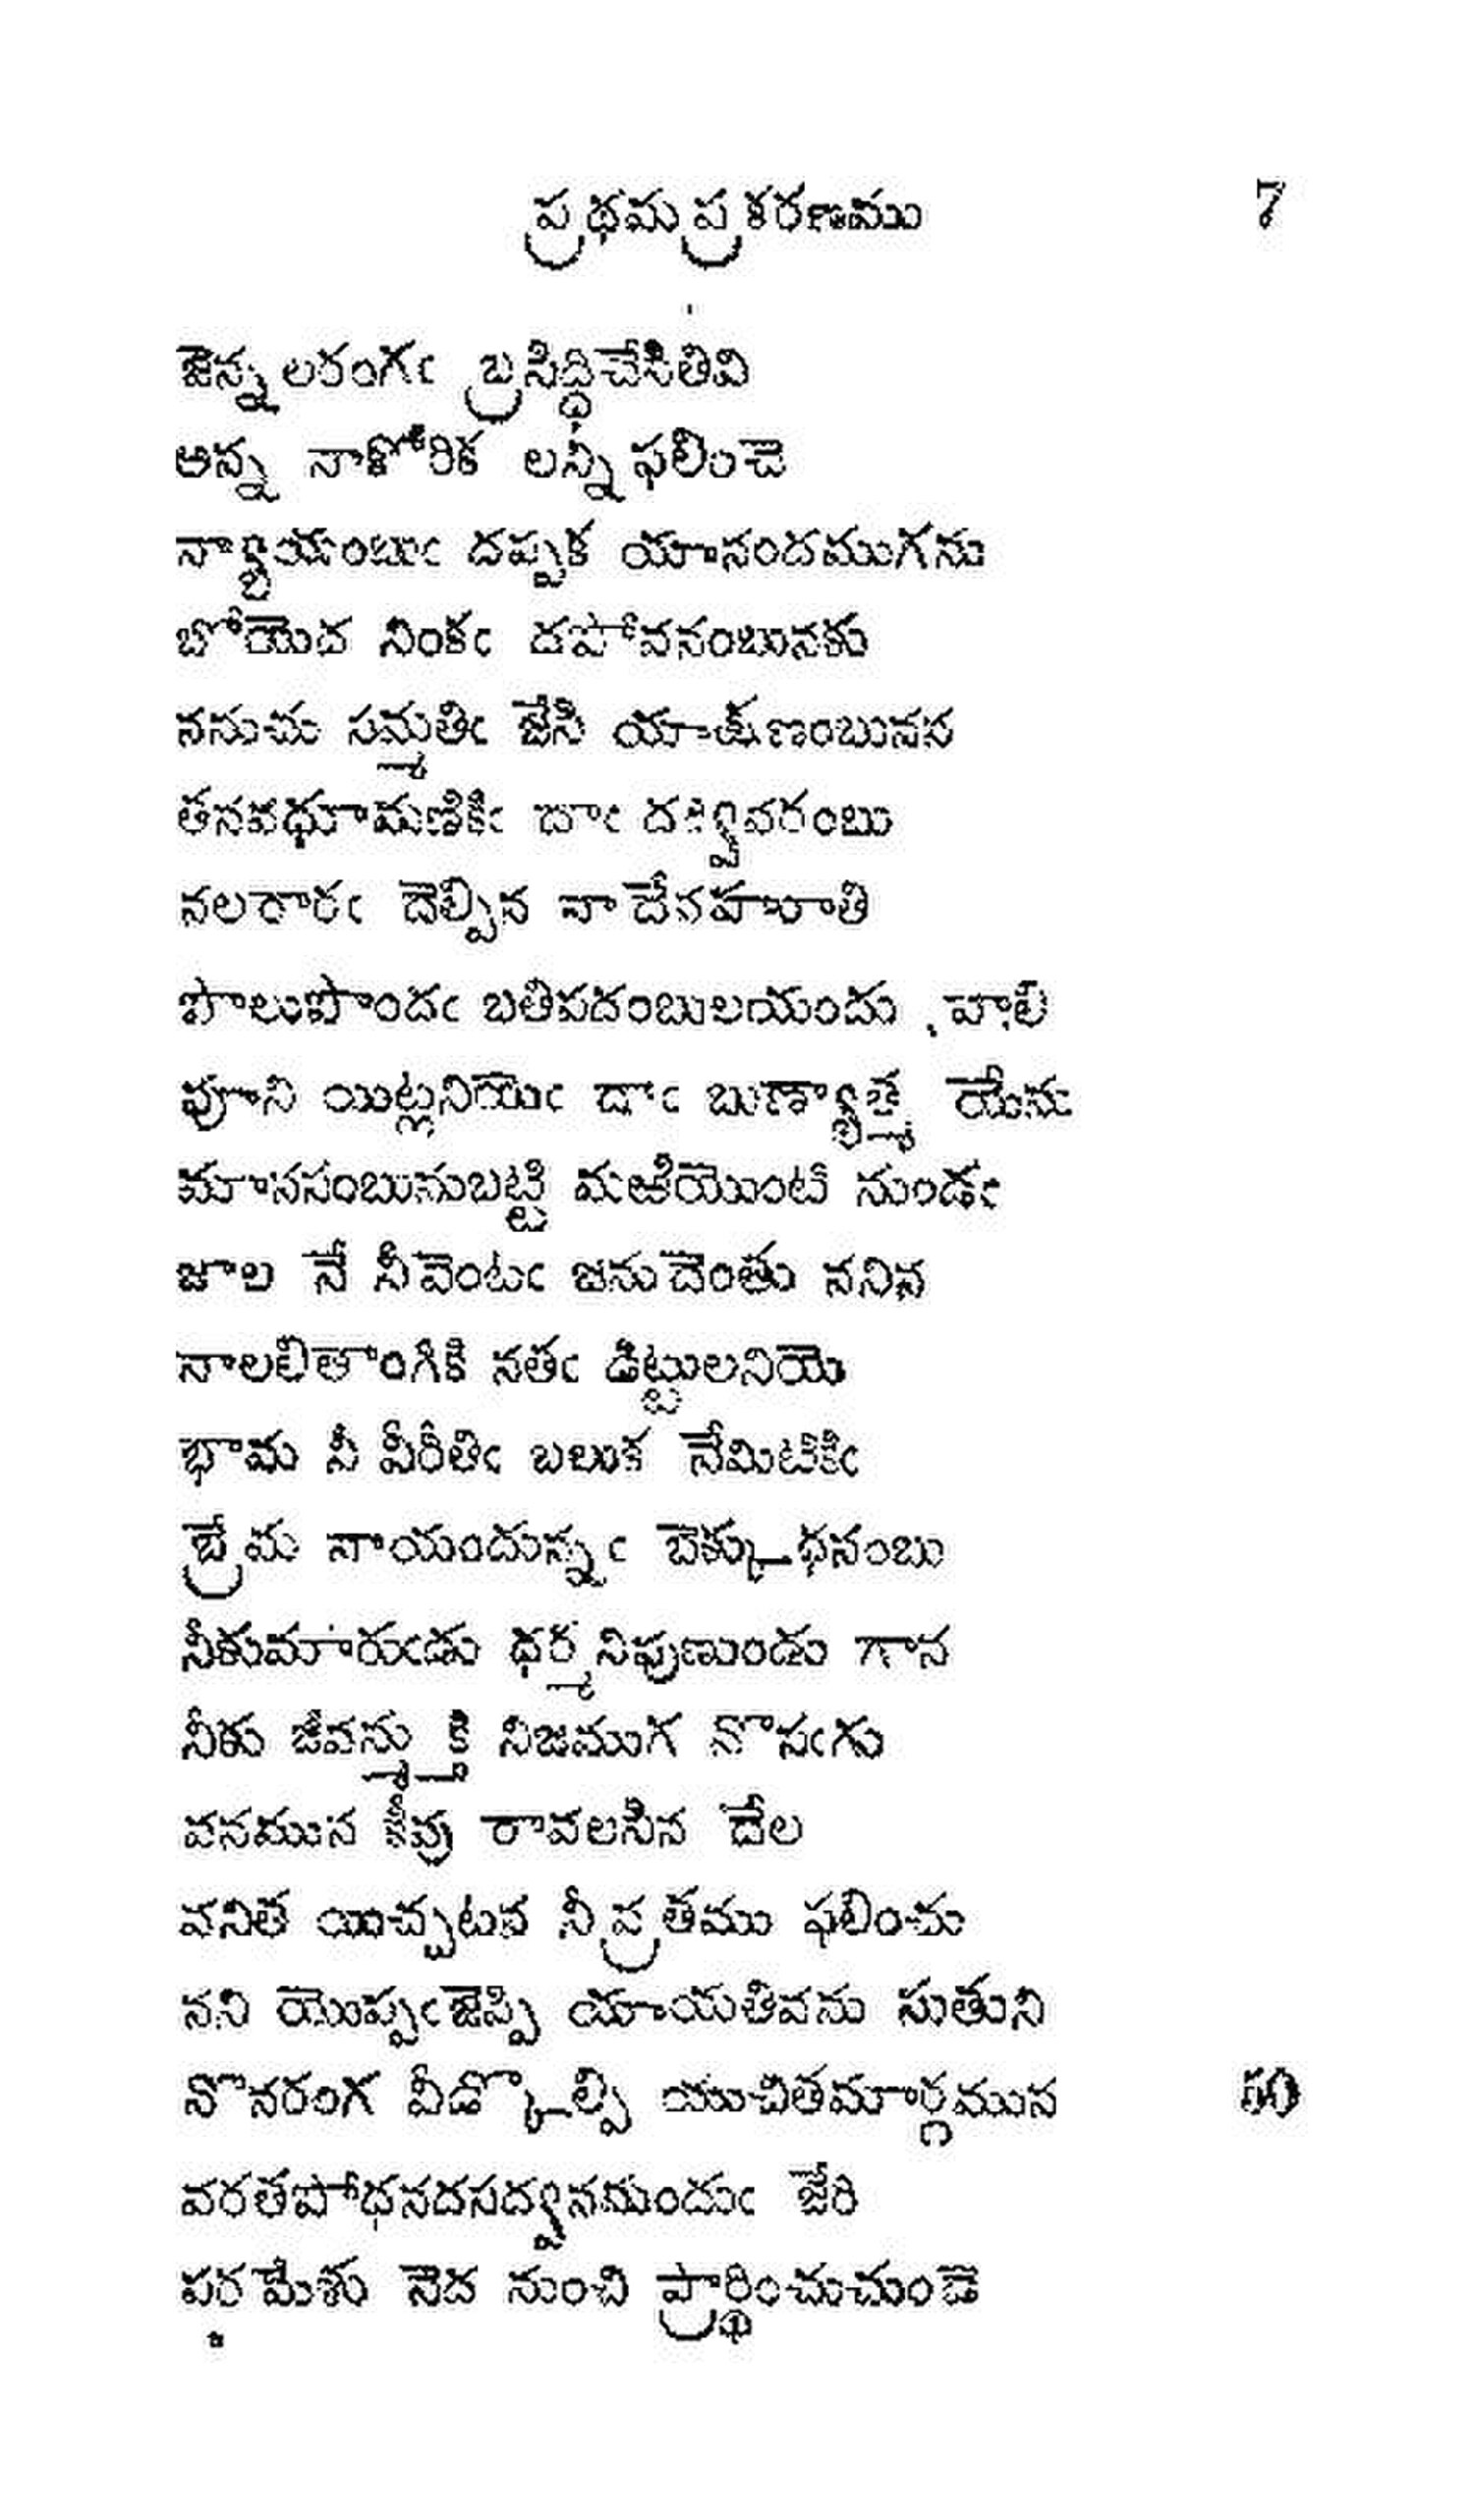జెన్నలరంగఁ బ్రసిద్ధిచేసితివి
అన్న నాకోరిక లన్ని ఫలించె
న్యాయంబుఁ దప్పక యానందముగను
బోయెద నింకఁ దపోవనంబునకు
ననుచు సమ్మతిఁ జేసి యాక్షణంబునన 
తనవధూమణికిఁ దాఁ దద్వివరంబు
నలరారఁ దెల్పిన నాదేవహూతి
పొలుపొందఁ బతిపదంబులయందు వ్రాలి
పూని యిట్లనియెఁ దాఁ బుణ్యాత్మ యేను 
మానసంబునుబట్టి మఱియొంటి నుండఁ
జాల నే నీవెంటఁ జనుదెంతు ననిన
నాలలితాంగికి నతఁ డిట్టులనియె
భామ నీ వీరీతిఁ బలుక నేమిటికిఁ
బ్రేమ నాయందున్నఁ బెక్కుధనంబు
నీకుమారుడు ధర్మనిపుణుండు గాన
నీకు జీవన్ముక్తి నిజముగ నొసఁగు
వనమున కీవు రావలసిన దేల
వనిత యిచ్చటన నీవ్రతము ఫలించు
నని యొప్పఁజెప్పి యాయతివను సుతుని
నొనరంగ వీడ్కొల్పి యుచితమార్గమున
వరతపోధనదసద్వనమందుఁ జేరి
పరమేశు నెద నుంచి ప్రార్థించుచుండె